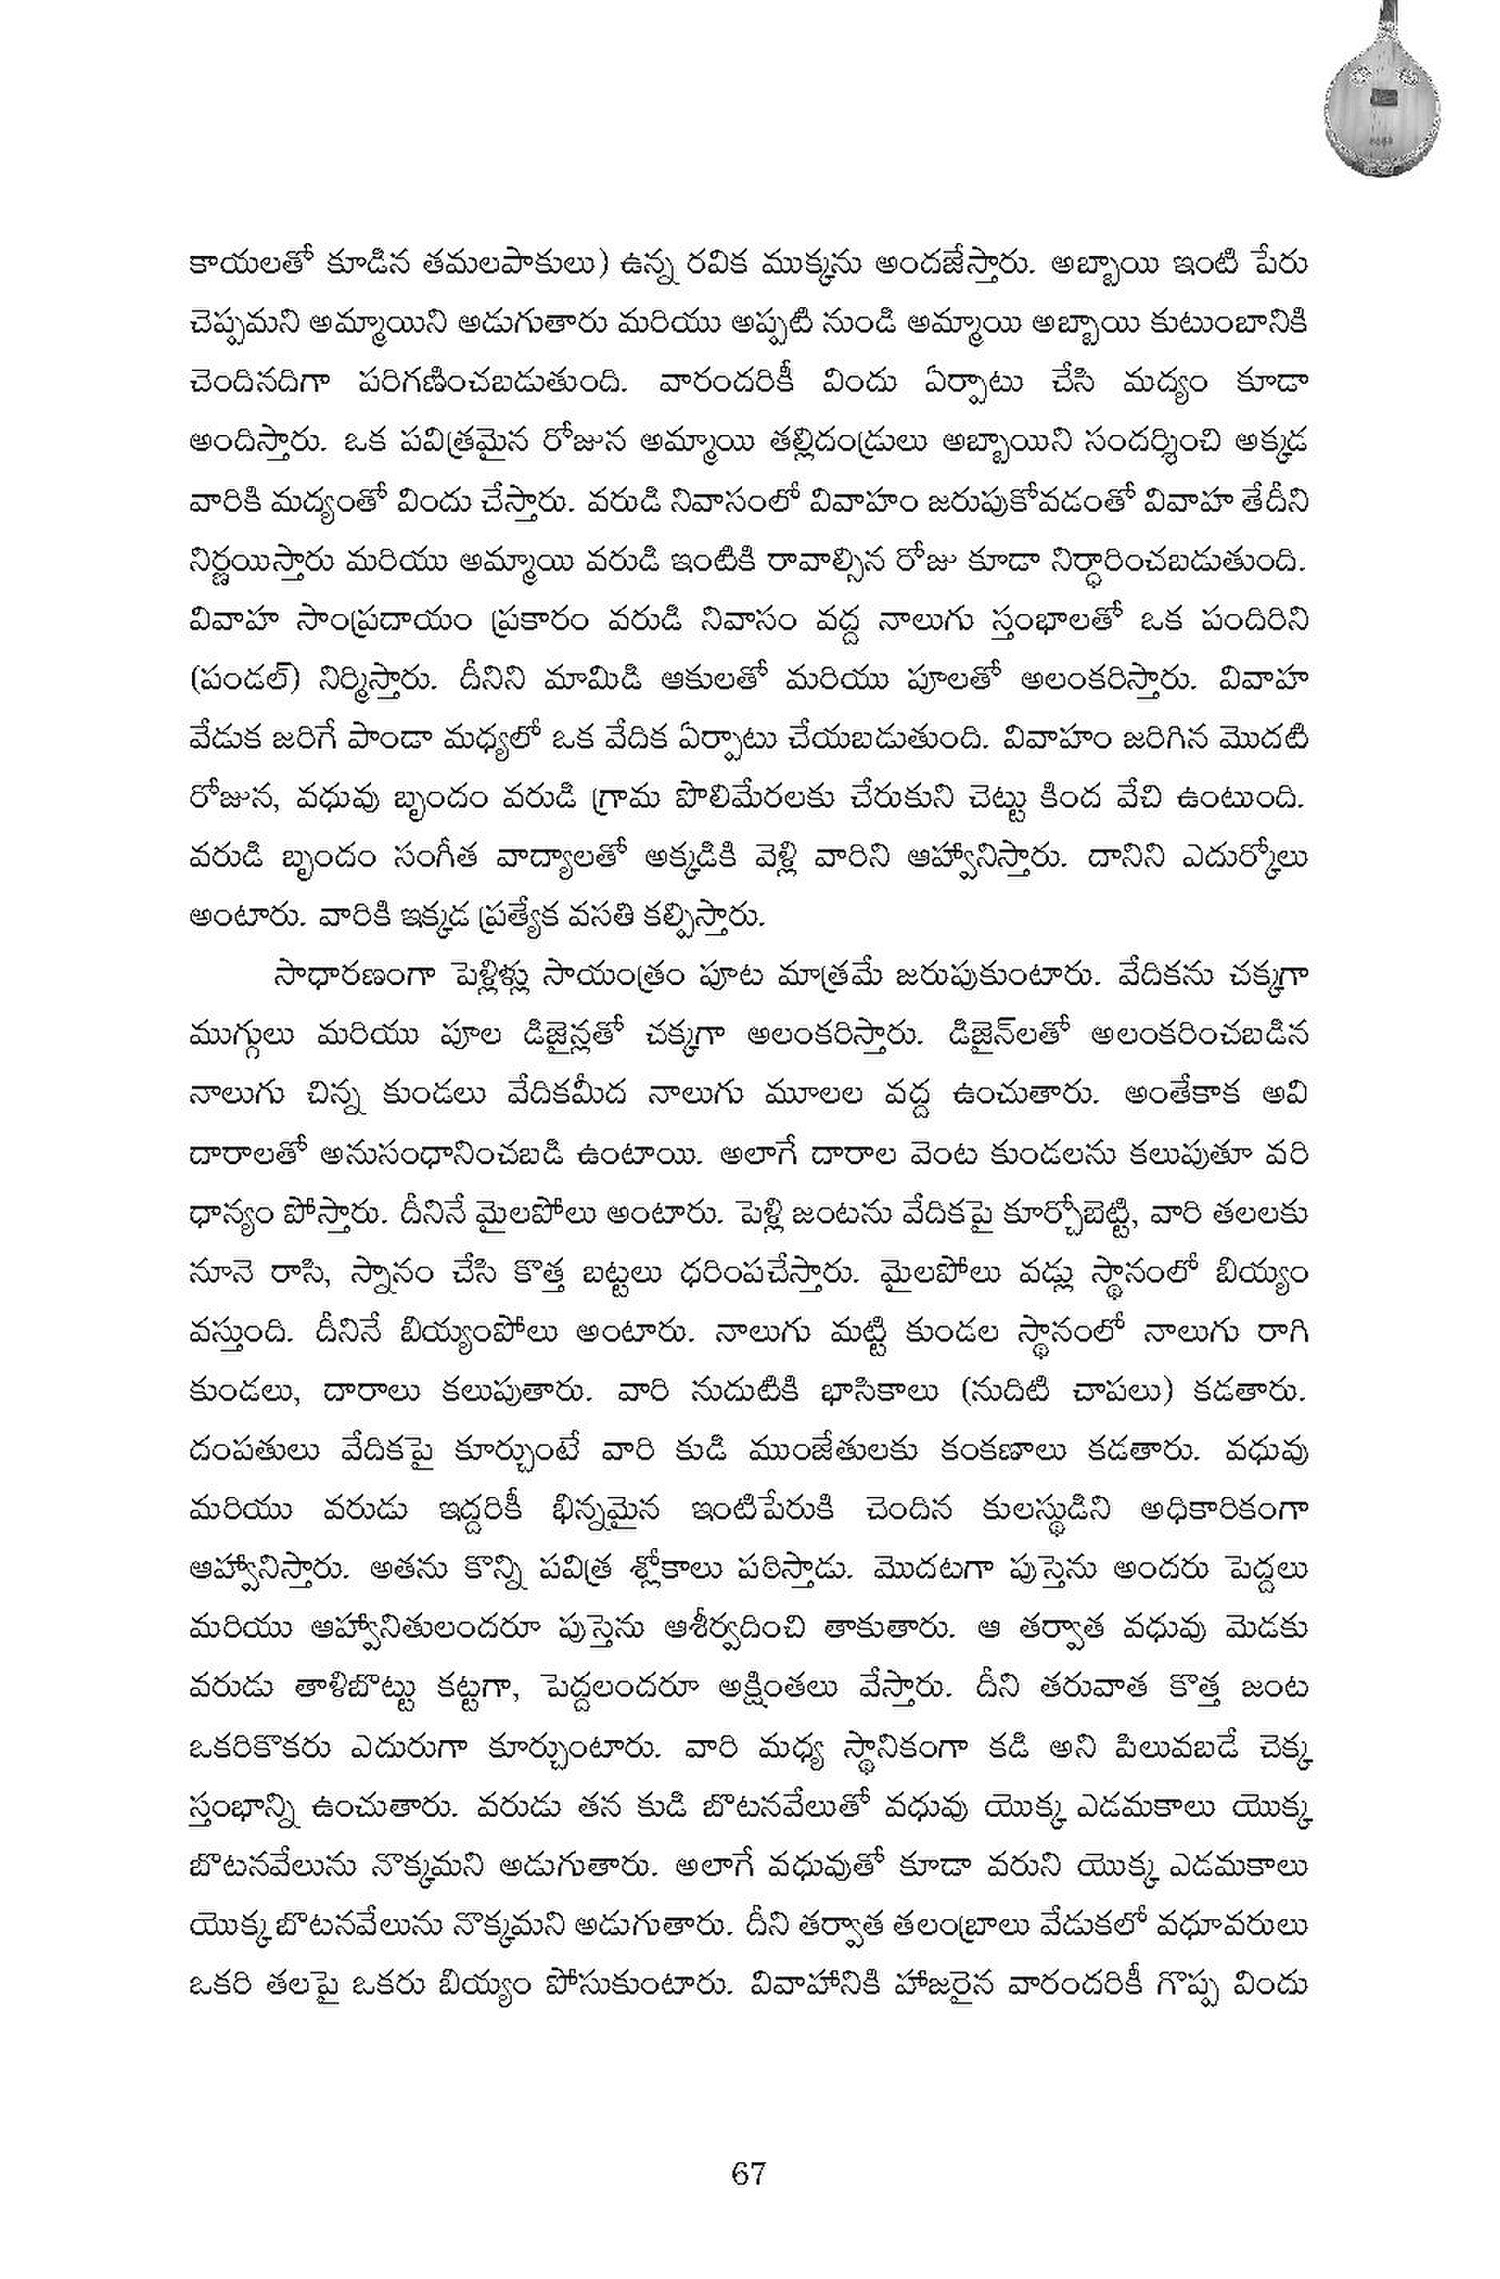కాయలతో కూడిన తమలపాకులు) ఉన్న రవిక ముక్కను అందజేస్తారు. అబ్బాయి ఇంటి పేరు చెప్పమని అమ్మాయిని అడుగుతారు మరియు అప్పటి నుండి అమ్మాయి అబ్బాయి కుటుంబానికి చెందినదిగా పరిగణించబడుతుంది. వారందరికీ విందు ఏర్పాటు చేసి మద్యం కూడా అందిస్తారు. ఒక పవిత్రమైన రోజున అమ్మాయి తల్లిదండ్రులు అబ్బాయిని సందర్శించి అక్కడ వారికి మద్యంతో విందు చేస్తారు. వరుడి నివాసంలో వివాహం జరుపుకోవడంతో వివాహ తేదీని నిర్ణయిస్తారు మరియు అమ్మాయి వరుడి ఇంటికి రావాల్సిన రోజు కూడా నిర్ధారించబడుతుంది. వివాహ సాంప్రదాయం ప్రకారం వరుడి నివాసం వద్ద నాలుగు స్తంభాలతో ఒక పందిరిని (పండల్) నిర్మిస్తారు. దీనిని మామిడి ఆకులతో మరియు పూలతో అలంకరిస్తారు. వివాహ వేడుక జరిగే పాండా మధ్యలో ఒక వేదిక ఏర్పాటు చేయబడుతుంది. వివాహం జరిగిన మొదటి రోజున, వధువు బృందం వరుడి గ్రామ పొలిమేరలకు చేరుకుని చెట్టు కింద వేచి ఉంటుంది. వరుడి బృందం సంగీత వాద్యాలతో అక్కడికి వెళ్లి వారిని ఆహ్వానిస్తారు. దానిని ఎదుర్కోలు అంటారు. వారికి ఇక్కడ ప్రత్యేక వసతి కల్పిస్తారు.

సాధారణంగా పెళ్లిళ్లు సాయంత్రం పూట మాత్రమే జరుపుకుంటారు. వేదికను చక్కగా ముగ్గులు మరియు పూల డిజైన్లతో చక్కగా అలంకరిస్తారు. డిజైన్లతో అలంకరించబడిన నాలుగు చిన్న కుండలు వేదికమీద నాలుగు మూలల వద్ద ఉంచుతారు. అంతేకాక అవి దారాలతో అనుసంధానించబడి ఉంటాయి. అలాగే దారాల వెంట కుండలను కలుపుతూ వరి
ధాన్యం పోస్తారు. దీనినే మైలపోలు అంటారు. పెళ్లి జంటను వేదికపై కూర్చోబెట్టి, వారి తలలకు నూనె రాసి, స్నానం చేసి కొత్త బట్టలు ధరింపచేస్తారు. మైలపోలు వడ్లు స్థానంలో బియ్యం వస్తుంది. దీనినే బియ్యంపోలు అంటారు. నాలుగు మట్టి కుండల స్థానంలో నాలుగు రాగి కుండలు, దారాలు కలుపుతారు. వారి నుదుటికి భాసికాలు (నుదిటి చాపలు) కడతారు. దంపతులు వేదికపై కూర్చుంటే వారి కుడి ముంజేతులకు కంకణాలు కడతారు. వధువు మరియు వరుడు ఇద్దరికీ భిన్నమైన ఇంటిపేరుకి చెందిన కులస్థుడిని అధికారికంగా ఆహ్వానిస్తారు. అతను కొన్ని పవిత్ర శ్లోకాలు పఠిస్తాడు. మొదటగా పుస్తెను అందరు పెద్దలు మరియు ఆహ్వానితులందరూ పుస్తెను ఆశీర్వదించి తాకుతారు. ఆ తర్వాత వధువు మెడకు
వరుడు తాళిబొట్టు కట్టగా,పెద్దలందరూ అక్షింతలు వేస్తారు. దీని తరువాత కొత్త జంట ఒకరికొకరు ఎదురుగా కూర్చుంటారు. వారి మధ్య స్థానికంగా కడి అని పిలువబడే చెక్క స్తంభాన్ని ఉంచుతారు. వరుడు తన కుడి బొటనవేలుతో వధువు యొక్క ఎడమకాలు యొక్క బొటనవేలును నొక్కమని అడుగుతారు. అలాగే వధువుతో కూడా వరుని యొక్క ఎడమకాలు యొక్క బొటనవేలును నొక్కమని అడుగుతారు. దీని తర్వాత తలంబ్రాలు వేడుకలో వధూవరులు ఒకరి తలపై ఒకరు బియ్యం పోసుకుంటారు. వివాహానికి హాజరైన వారందరికీ గొప్ప విందు